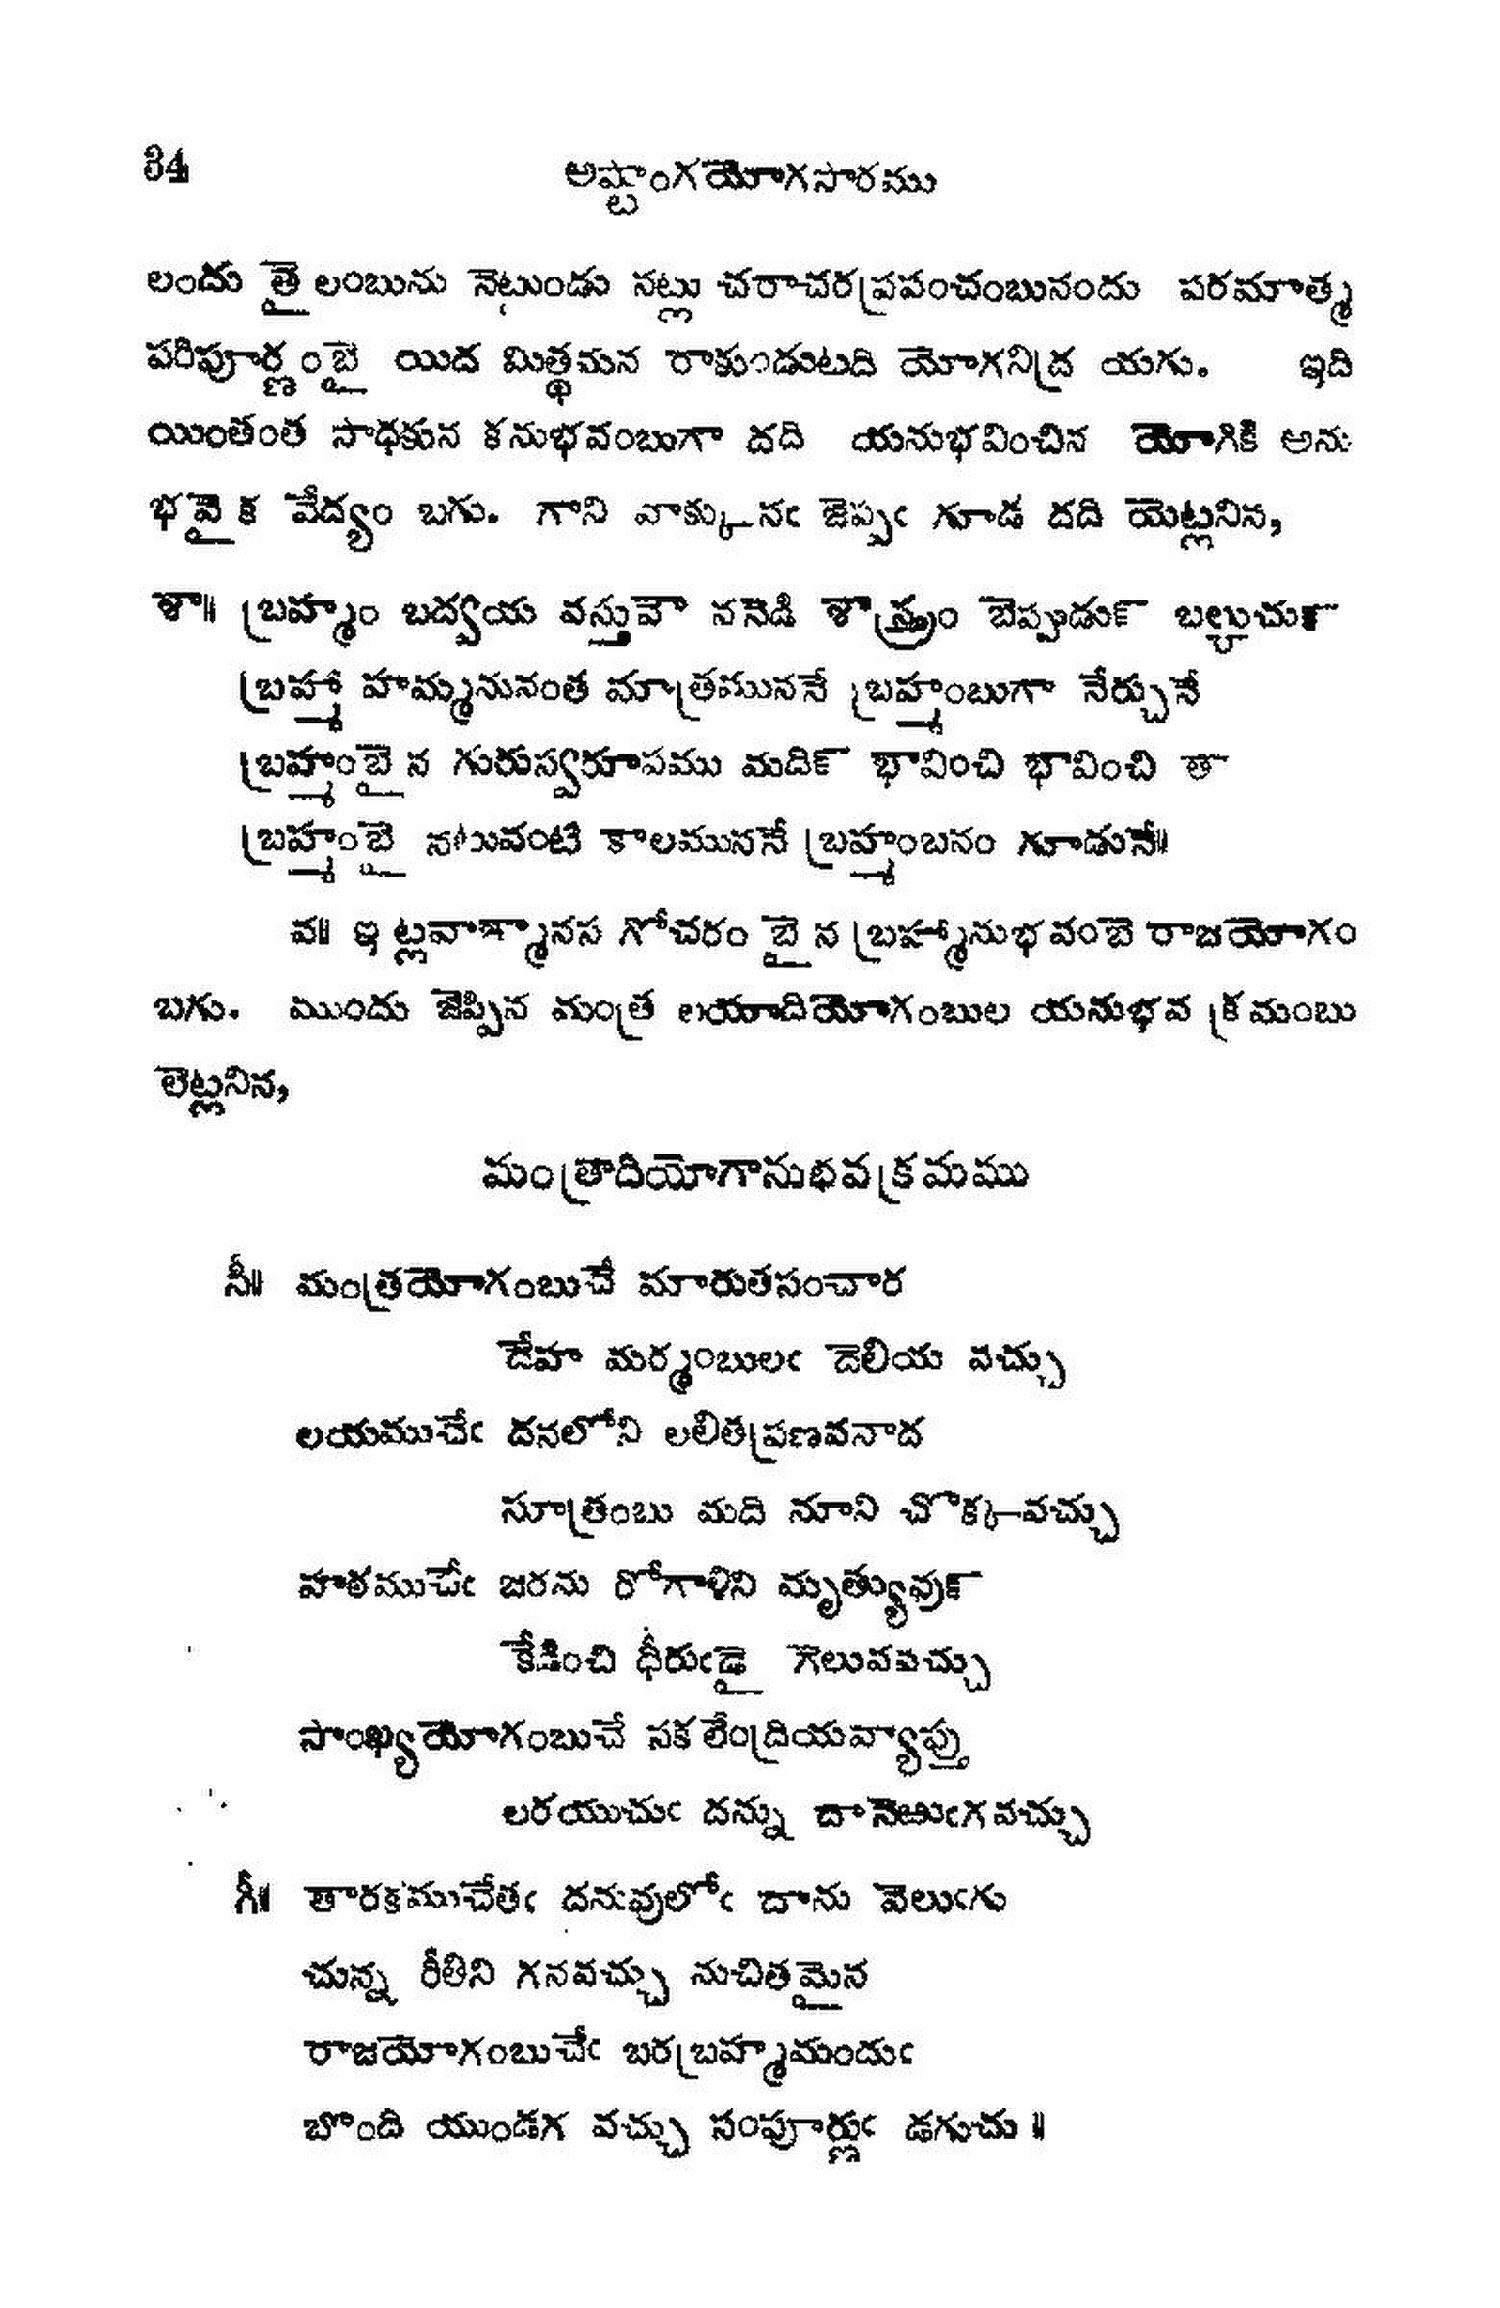లందు తైలంబును నెట్లుండు నట్లు చరాచరప్రపంచంబునందు పరమాత్మ పరిపూర్ణంబై యిదమిత్థ మనరాకుండు టది యోగనిద్ర యగు. ఇది యింతంతసాధకున కనుభవంబుగా దది యనుభవించిన యోగికి అనుభవైకవేద్యం బగు. గాని వాక్కునఁ జెప్పఁగూడ దది యెట్లనిన,
శా. బ్రహ్మం బద్వయవస్తువౌ ననెడి శాస్త్రం బెప్పుడున్ బల్కుచున్
 బ్రహ్మాహ మ్మనునంతమాత్రముననే బ్రహ్మంబుగా నేర్చునే
 బ్రహ్మంబైన గురుస్వరూపము మదిన్ భావించి భావించి తా
 బ్రహ్మంబై నటువంటి కాలముననే బ్రహ్మంబనం గూడునే.
వ. ఇ ట్లవాక్ష్మానసగోచరం బైన బ్రహ్మానుభవంబె రాజయోగం బగు. ముందు జెప్పిన మంత్ర లయాదియోగంబుల యనుభవక్రమంబు లెట్లనిన,

సీ. మంత్రయోగంబుచే మారుతసంచార
 దేహమర్మంబులఁ దెలియవచ్చు
 లయముచేఁ దనలోని లలితప్రణవనాద
 సూత్రంబు మది నూని చొక్కవచ్చు
 హఠముచే జరను రోగాళిని మృత్యువున్
 కేడించి ధీరుఁడై గెలువవచ్చు
 సాంఖ్యయోగంబుచే సకలేంద్రియవ్యాప్తు
 లరయుచుఁ దన్ను దా నెఱుఁగవచ్చు
గీ. తారకముచేతఁ దనువులోఁ దాను వెలుఁగు
 చున్నరీతిని గనవచ్చు నుచితమైన
 రాజయోగంబుచేఁ బరబ్రహ్మమందుఁ
 బొంది యుండగ వచ్చు సంపూర్ణుఁ డగుచు.